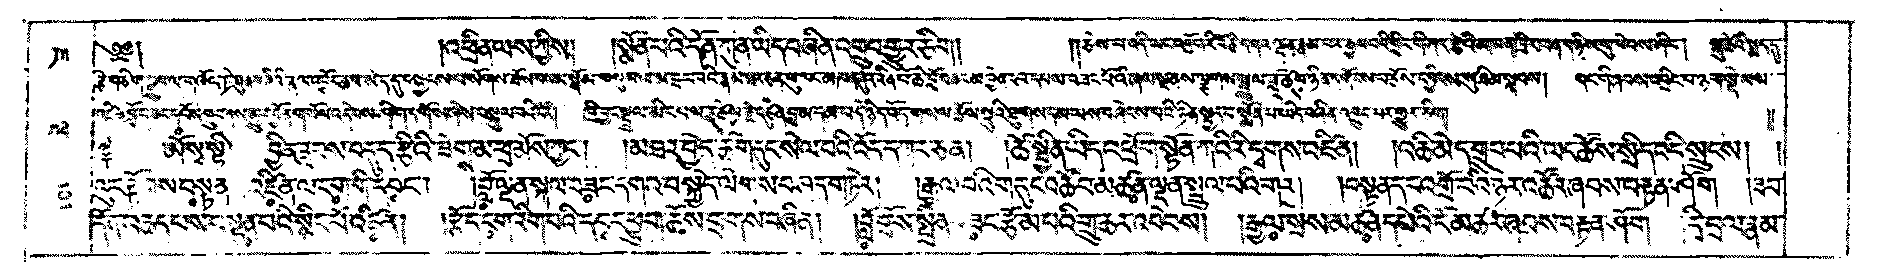༄༅། །འཕྲིན་ལས་ཀྱིས། །སྨོན་པའི་དོན་ཀུན་ཡིད་བཞིན་འགྲུབ་གྱུར་ཅིག ། །།ཅེས་པ་འདི་ཡང་འབྲོག་རི་པོ་ཆེ་དགའ་ལྡན་རྣམ་པར་རྒྱལ་བའི་གླིང་གི་ཤར་རྩེའི་མཁན་ཁྲིར་ལན་གཉིས་སུ་ཕེབས་ཤིང་། སྐུ་ཚེའི་སྨད་དུ་
རྩེ་གཅིག་སྒྲུབ་ལ་གཞོལ་ཏེ་ཐུན་བཞིའི་རྣལ་འབྱོར་ཆག་མེད་དུ་བསྐྱངས་པ་སོགས་ཐོས་བསམ་སྒོམ་གསུམ་ལ་མ་བྲལ་བའི་རྣམ་ཐར་ཅན་ཕུ་ཁང་མཁན་ཟུར་རིན་པོ་ཆེ་བློ་བཟང་མཁྱེན་རབ་དཔལ་བཟང་པོའི་ཞལ་སྔ་ནས་ལྕགས་སྦྲུལ་ཟླ ༢་ཚེས ༣༠་ཉིན་དགོངས་པ་ཆོས་དབྱིངས་སུ་ཐིམ་སྐབས། གང་གི་ཞབས་འབྲིང་པ་ཉག་སྡེ་ལས་
འཛིན་བློ་བཟང་དངོས་གྲུབ་ནས་མྱུར་བྱོན་གསོལ་འདེབས་ཤིག་དགོས་ཞེས་བསྐུལ་བའི་ངོར། ཁྲི་བྱང་སྤྲུལ་མིང་པས་ཟླ ༣་ཚེས ༧་རྗེ་བཙུན་བླ་མ་དམ་པ་དེ་ཉིད་འོད་གསལ་ཆོས་སྐུའི་ཐུགས་དམ་ལས་བཞེངས་པའི་ཉིན་སྦྱར་བ་སྨོན་པ་ཡིད་བཞིན་འགྲུབ་པར་གྱུར་ཅིག ། །།
༈ ཨོཾ་སྭ་སྟི། བྱིན་རླབས་བདུད་རྩིའི་ཟེགས་མ་ཕྲ་མོས་ཀྱང་། །མཐར་བྱེད་ཚ་གདུང་སེལ་བའི་འོད་དཀར་ཅན། །ཚེ་སྦྱིན་ཡིད་འཕྲོག་སྟོན་ཀའི་རི་དྭགས་འཛིན། །འཆི་མེད་གྲུབ་པའི་ལང་ཚོས་སྲིད་འདི་སྲུངས། །
ལུང་རྟོགས་བསྟན྾་པ་འཛིན྾་ལ་ངག྾་གི་དབང྾། །བློ྾་ལྡན་སྐལ་བཟང྾་དགའ་བསྐྱེད་ལེགས་བཤད་གཏེར། །རྒྱལ་བའི་གདུང་འཚོ་བ་མཚན྾་ལྡན་སྤྲུལ་པའི་གར། །བསྟན་དང་འགྲོ་བའི་ཉེར་འཚོར་ཞབས་བརྟན་ཤོག །ཟབ་
དོན་འཆད་པས་བསྟན྾་པའི་སྙིང་པོ་འཛིན྾། །རྩོད་ངག྾་རིག་པའི་དབང྾་ཕྱུག་ཆོས་གྲགས་བཞིན། །བློ྾་གྲོས་སྤྲིན་བཟང྾་རྩོམ་པའི་གྲུ་ཆར་འབེབས། །རྒྱལ྾་སྲས་མཚན྾་དཔེའི་ངོ་མཚར་ཞབས་བརྟན་ཤོག །དྲི་བྲལ་རྣམ་